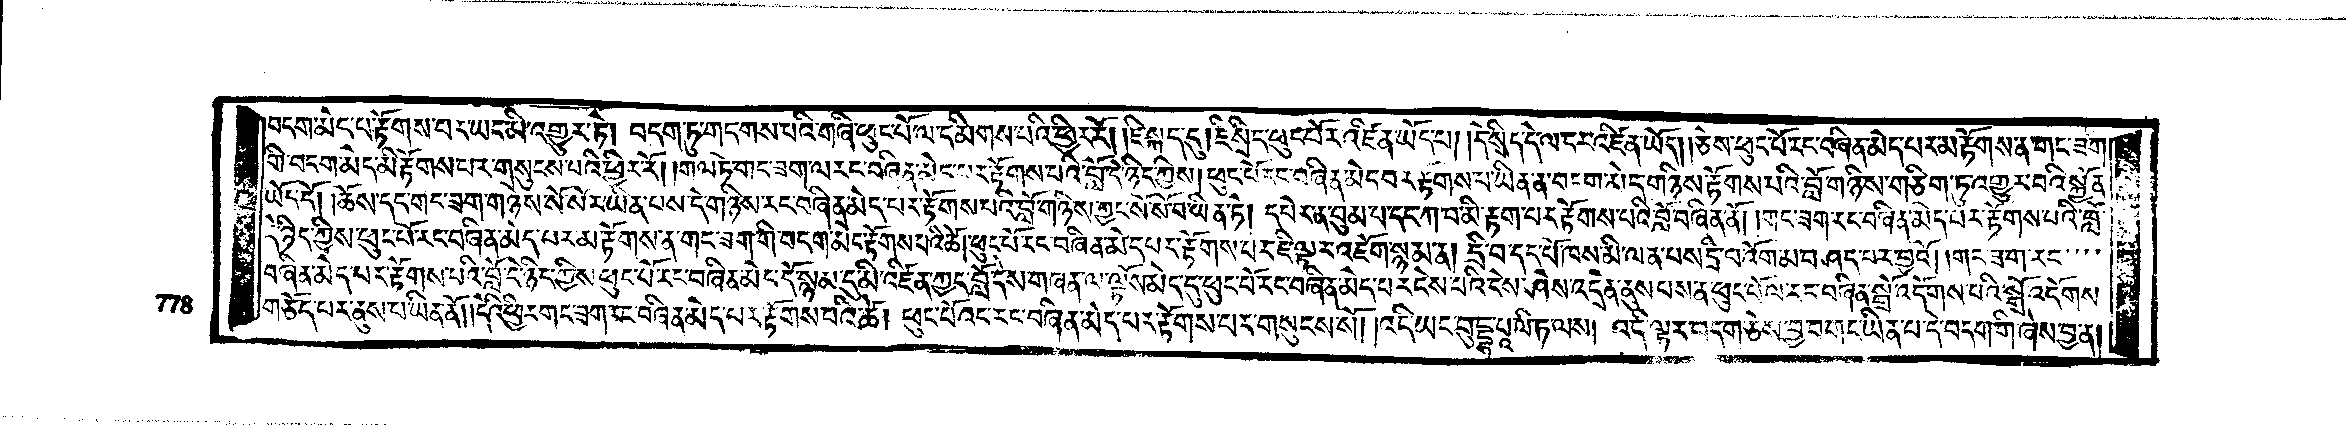བདག་མེད་པ་རྟོགས་པར་ཡང་མི་འགྱུར་ཏེ། བདག་ཏུ་གདགས་པའི་གཞི་ཕུང་པོ་ལ་དམིགས་པའི་ཕྱིར་རོ། །ཇི་སྐད་དུ། ཇི་སྲིད་ཕུང་པོར་འཛིན་ཡོད་པ། །དེ་སྲིད་དེ་ལ་ངར་འཛིན་ཡོད། །ཅེས་ཕུང་པོ་རང་བཞིན་མེད་པར་མ་རྟོགས་ན་གང་ཟག་
གི་བདག་མེད་མི་རྟོགས་པར་གསུངས་པའི་ཕྱིར་རོ། །གལ་ཏེ་གང་ཟག་ལ་རང་བཞིན་མེད་པར་རྟོགས་པའི་བློ་དེ་ཉིད་ཀྱིས། ཕུང་པོ་རང་བཞིན་མེད་པར་རྟོགས་པ་ཡིན་ན་བདག་མེད་གཉིས་རྟོགས་པའི་བློ་གཉིས་གཅིག་ཏུ་འགྱུར་བའི་སྐྱོན་
ཡོད་དོ། །ཆོས་དང་གང་ཟག་གཉིས་སོ་སོ་བ་ཡིན་པས་དེ་གཉིས་རང་བཞིན་མེད་པར་རྟོགས་པའི་བློ་གཉིས་ཀྱང་སོ་སོ་བ་ཡིན་ཏེ། དཔེར་ན་བུམ་པ་དང་ཀ་བ་མི་རྟག་པར་རྟོགས་པའི་བློ་བཞིན་ནོ། །གང་ཟག་རང་བཞིན་མེད་པར་རྟོགས་པའི་བློ་
དེ་ཉིད་ཀྱིས་ཕུང་པོ་རང་བཞིན་མེད་པར་མ་རྟོགས་ན་གང་ཟག་གི་བདག་མེད་རྟོགས་པའི་ཚེ། ཕུང་པོ་རང་བཞིན་མེད་པར་རྟོགས་པར་ཇི་ལྟར་འཇོག་སྙམ་ན། དྲི་བ་དང་པོ་ཁས་མི་ལེན་པས་དྲི་བ་འོག་མ་བཤད་པར་བྱའོ། །གང་ཟག་རང་
བཞིན་མེད་པར་རྟོགས་པའི་བློ་དེ་ཉིད་ཀྱིས་ཕུང་པོ་རང་བཞིན་མེད་དོ་སྙམ་དུ་མི་འཛིན་ཀྱང་བློ་དེས་གཞན་ལ་ལྟོས་མེད་དུ་ཕུང་པོ་རང་བཞིན་མེད་པར་ངེས་པའི་ངེས་ཤེས་འདྲེན་ནུས་པས་ན་ཕུང་པོ་ལ་རང་བཞིན་སྒྲོ་འདོགས་པའི་སྒྲོ་འདོགས་
གཅོད་པར་ནུས་པ་ཡིན་ནོ། །དེའི་ཕྱིར་གང་ཟག་རང་བཞིན་མེད་པར་རྟོགས་པའི་ཚེ། ཕུང་པོའང་རང་བཞིན་མེད་པར་རྟོགས་པར་གསུངས་སོ། །འདི་ཡང་བུདྡྷ་པཱ་ལི་ཏ་ལས། འདི་ལྟར་བདག་ཅེས་བྱ་བ་གང་ཡིན་པ་དེ་བདག་གི་ཞེས་བྱ་ན།